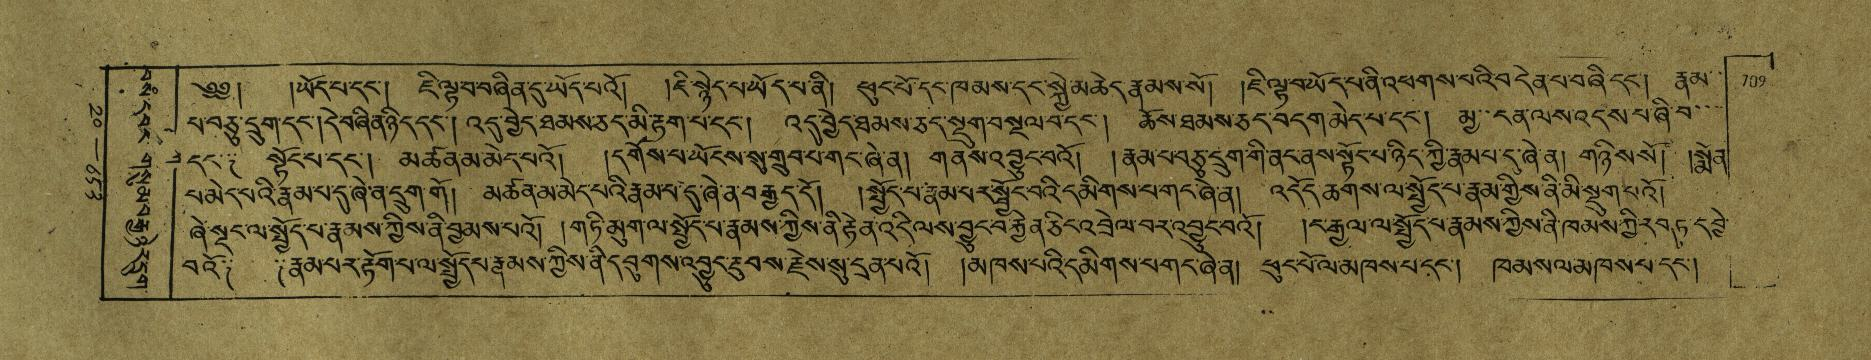༄༅། །ཡོད་པ་དང་། ཇི་ལྟ་བ་བཞིན་དུ་ཡོད་པའོ། །ཇི་སྙེད་པ་ཡོད་པ་ནི། ཕུང་པོ་དང་ཁམས་དང་སྐྱེ་མཆེད་རྣམས་སོ། །ཇི་ལྟ་བ་ཡོད་པ་ནི་འཕགས་པའི་བདེན་པ་བཞི་དང་། རྣམ་
པ་བཅུ་དྲུག་དང་། དེ་བཞིན་ཉིད་དང་། འདུ་བྱེད་ཐམས་ཅད་མི་རྟག་པ་དང་། འདུ་བྱེད་ཐམས་ཅད་སྡུག་བསྔལ་བ་དང་། ཆོས་ཐམས་ཅད་བདག་མེད་པ་དང་། མྱ་ངན་ལས་འདས་པ་ཞི་བ་
དང༑ སྟོང་པ་དང་། མཚན་མ་མེད་པའོ། །དགོས་པ་ཡོངས་སུ་གྲུབ་པ་གང་ཞེ་ན། གནས་འབྱུང་བའོ། །རྣམ་པ་བཅུ་དྲུག་གི་ནང་ནས་སྟོང་པ་ཉིད་ཀྱི་རྣམ་པ་དུ་ཞེ་ན། གཉིས་སོ། །སྨོན་
པ་མེད་པའི་རྣམ་པ་དུ་ཞེ་ན་དྲུག་གོ། མཚན་མ་མེད་པའི་རྣམ་པ་དུ་ཞེ་ན་བརྒྱད་དོ། །སྤྱོད་པ་རྣམ་པར་སྦྱོང་བའི་དམིགས་པ་གང་ཞེ་ན། འདོད་ཆགས་ལ་སྤྱོད་པ་རྣམ་གྱིས་ནི་མི་སྡུག་པའོ།
ཞེ་སྡང་ལ་སྤྱོད་པ་རྣམས་ཀྱིས་ནི་བྱམས་པའོ། །གཏི་མུག་ལ་སྤྱོད་པ་རྣམས་ཀྱི་ནི་རྟེན་འདི་ལས་བྱུང་བ་རྐྱེན་ཅིང་འབྲེལ་བར་འབྱུང་བའོ། །ང་རྒྱལ་ལ་སྤྱོད་པ་རྣམས་ཀྱིས་ནི་ཁམས་ཀྱི་རབ་ཏུ་དབྱེ་
བའོ༑ ༑རྣམ་པར་རྟོག་པ་ལ་སྤྱོད་པ་རྣམས་ཀྱིས་ནི་དབུགས་འབྱུང་རྡུབས་རྗེས་སུ་དྲན་པའོ། །མཁས་པའི་དམིགས་པ་གང་ཞེ་ན། ཕུང་པོ་ལ་མཁས་པ་དང་། ཁམས་ལ་མཁས་པ་དང་།